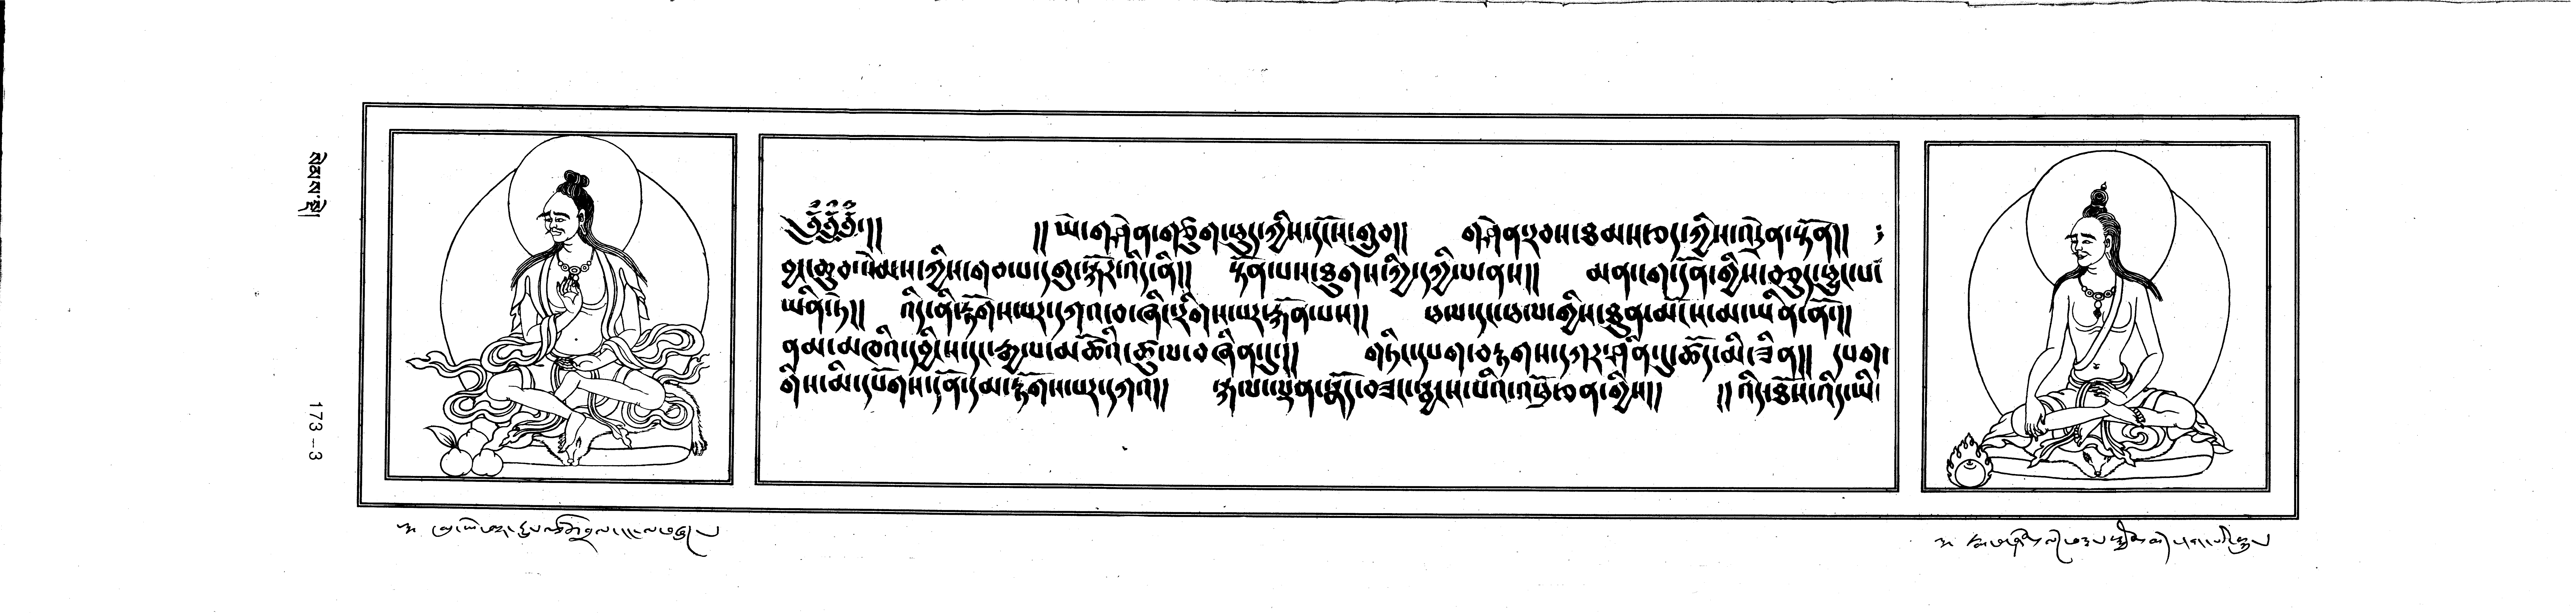ཡེ་གཤེན་གཙུག་ཕུད་ཀྱི་དངོས་གྲུབ། གཤེན་རབ་ཐམས་ཅད་ཀྱི་འདྲེན་སྟོན། 
བྱང་ཆུབ་སེམས་ཀྱི་གབ་པ་དགུ་སྐོར་འདི་ནི། སྟོན་པས་ཐུགས་ཀྱི་དཀྱིལ་ནས། མན་ངག་དོན་གྱི་བཅུད་ཕྱུང་པ་
ཡིན་ཏེ། འདི་ནི་རྟོགས་པར་དཀའ་ཞིང་རིག་པར་དཀོན་པས། ཕལ་དང་ཕལ་གྱིས་ཐུན་མོང་མ་ཡིན་ནོ། 
ནམ་མཁའི་དབྱིངས་དང་རྒྱ་མཚོའི་ཚུལ་བཞིན་དུ། གཏིང་དཔག་བརྟག་དཀའ་ཤིན་ཏུ་ཚོད་མི་ཟིན། དཔག་
གིས་མི་དཔོགས་དོན་དམ་རྟོགས་པར་དཀའ། སྐལ་ལྡན་སྣོད་བཟང་སྦྱངས་པའི་འཕྲོ་ཅན་གྱིས། འདི་ཐོས་འདི་ཡི་